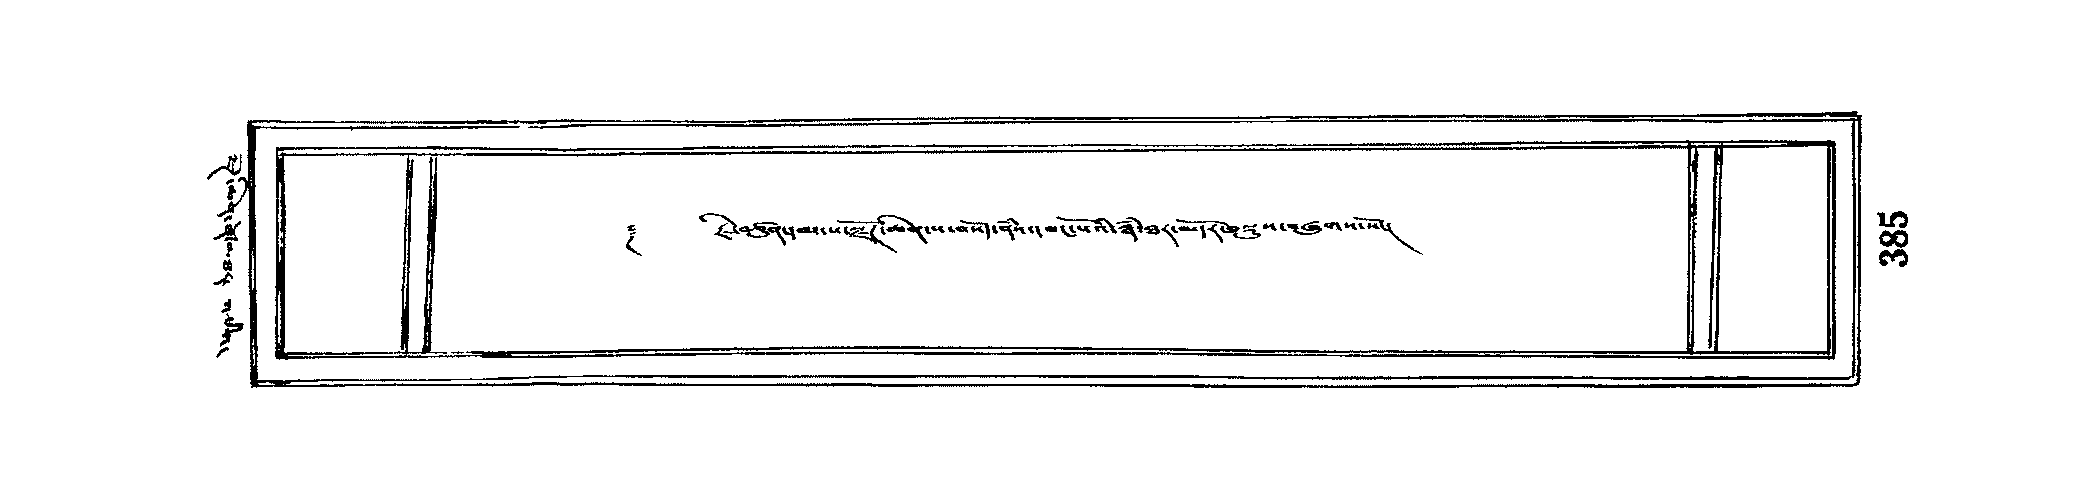༈ རྗེ་བཙུན་དམ་པ་རྫོགས་ཆེན་པ་བསོད་ནམས་དབང་པོའི་རྣམ་ཐར་མདོར་བསྡུས་བཞུགས་སོ།།